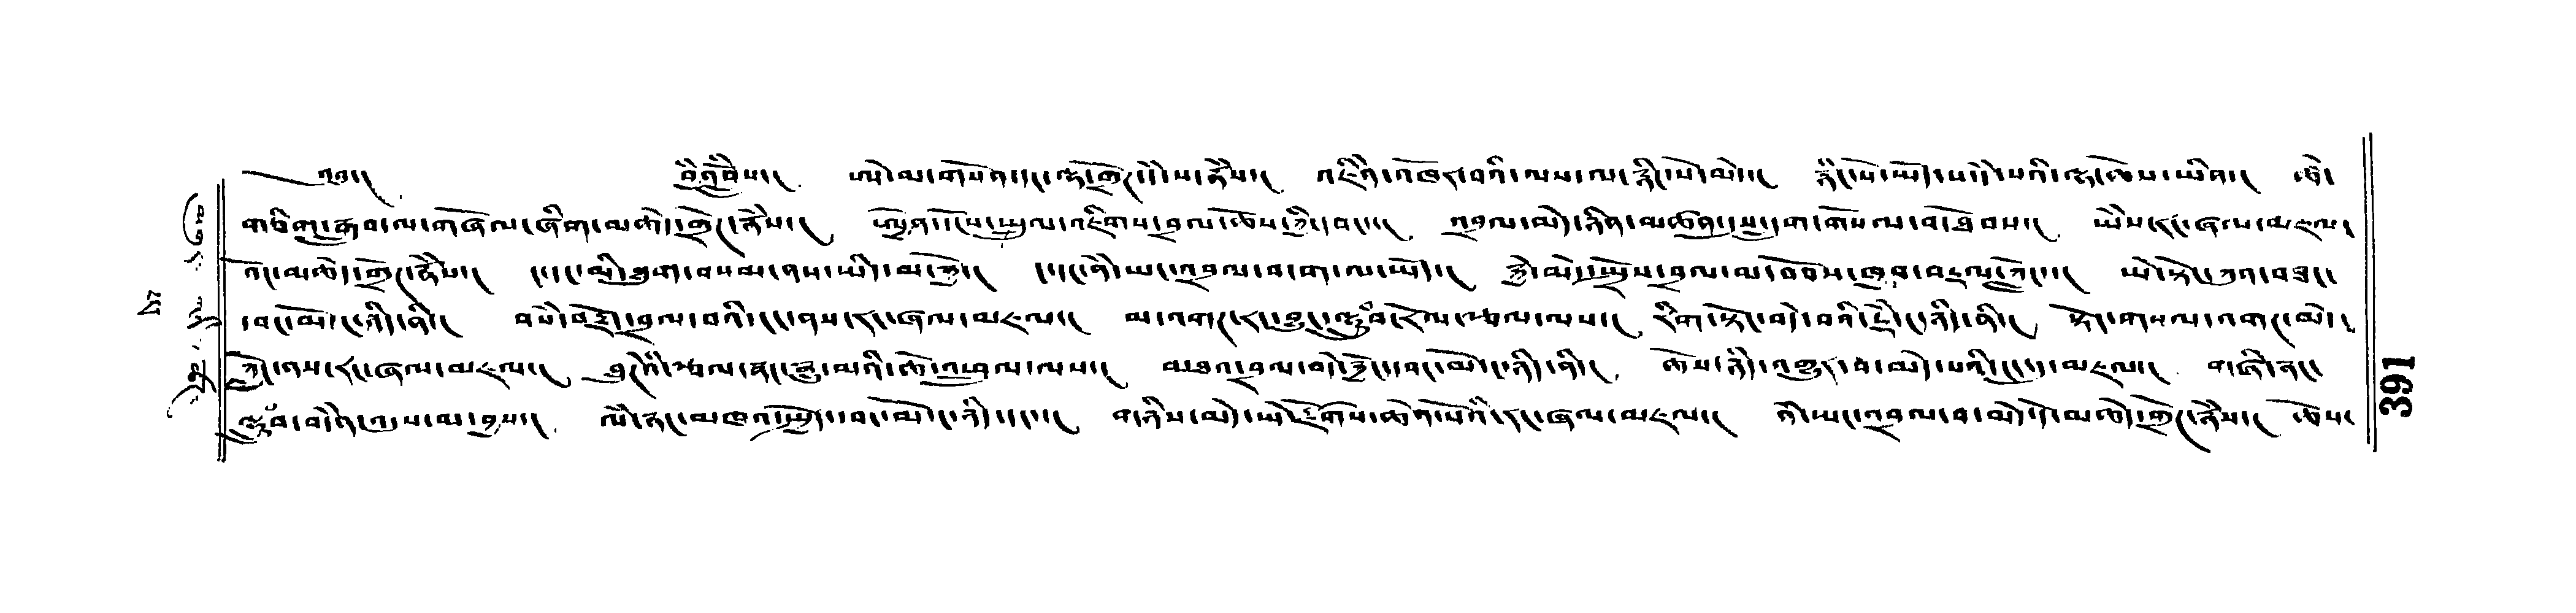བྱིན་གྱིས་རློབས། །ཨེ་མ་གསོན་དང་ལྷ་གྲོགས་དམ་པ་རྣམས། །འཇིག་རྟེན་འཁོར་བའི་ལས་ལ་སྙིང་པོ་མེད། །སྙིང་པོ་ཡོད་པ་དམ་པའི་ལྷ་ཆོས་ཡིན། །ཚེ་
གཅིག་སྒྲུབ་ལ་གཞོལ་ཞིག་མཆེད་གྲོགས་རྣམས། །ཨོ་རྒྱན་དངོས་སྤྲུལ་འཇིགས་བྲལ་ཆོས་ཀྱི་དབང་། །འབྲལ་མེད་ཉིན་མཚན་དུས་དྲུག་གསོལ་བ་ཐོབས། །ཡེ་ཤེས་རང་ཞལ་མཇལ་
འོང་མཆེད་གྲོགས་རྣམས། །ང་དང་མི་ཐུག་བསམ་ནས་ཡིད་མ་སྐྱོ། །ང་དང་ནམ་ཡང་འབྲལ་བདག་ལ་ཡོད། །སྐྱེ་མེད་སྤྲོས་བྲལ་མ་བཅོས་ཁྱབ་བརྡལ་ཀློང་། །ཡེ་སྟོང་ཀུན་བཟང་
དབང་མོ་ང་ཉིད་ནི། །བསམ་བརྗོད་བྲལ་བའི་ངང་ནས་རང་ཞལ་མཇལ། །མ་འགགས་རང་བྱུང་ལྷུན་གྲུབ་རོལ་རྩལ་ལས། །རིག་སྟོང་བདེ་བའི་རྡོ་རྗེ་ང་ཉིད་ནི། །སྟོང་གསལ་འགགས་མེད་
ཀློང་ནས་རང་ཞལ་མཇལ། །ཐུགས་རྗེའི་རྩལ་སྣང་སྒྱུར་མའི་ཆོ་འཕྲུལ་ལས། །མཐའ་བྲལ་བདེ་སྦྱོང་དབང་མོ་ང་ཉིད་ནི། །ཆོས་ཉིད་འགྱུར་བ་མེད་པའི་ངང་དུ་མཇལ། །གཞི་སྣང་
ལྷུན་གྲུབ་བདེ་ཆེན་འདུས་མ་བྱས། །ལམ་སྣང་མཁའ་སྤྱོད་དབང་མོ་ང་ཉིད་དང་། །གཉིས་མེད་ཡེ་རྫོགས་ཆེན་པོའི་རང་ཞལ་མཇལ། །ནམཡང་འབྲལ་བ་མེད་དོ་མཆེད་གྲོགས་རྣམས། །ཆོས་